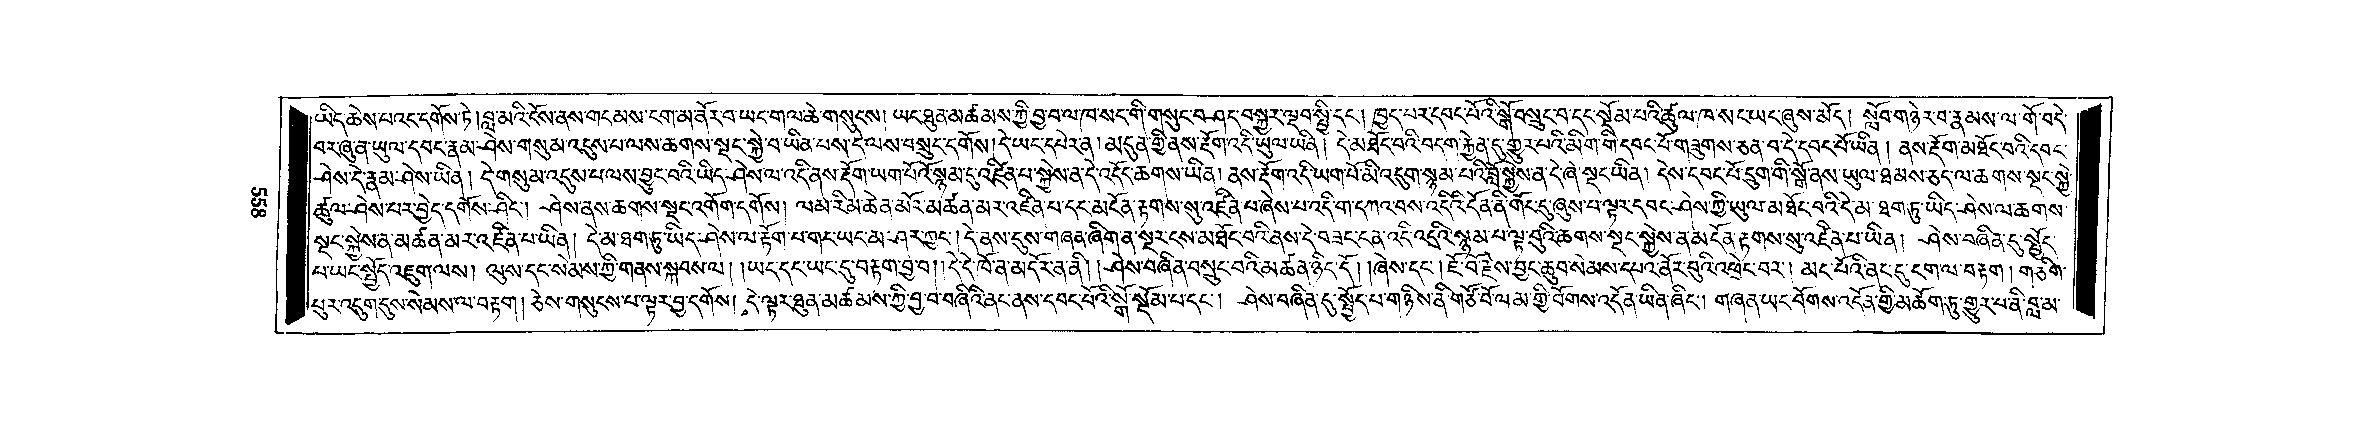ཡིད་ཆེས་པའང་དགོས་ཏེ། བླ་མའི་ངོས་ནས་གདམས་ངག་མ་ནོར་བ་ཡང་གལ་ཆེ་གསུངས། ཡང་ཐུན་མཚམས་ཀྱི་བྱ་བ་ལ་ཁ་སང་གི་གསུང་བཤད་བསྐྱར་ལྡབ་སྤྱི་དང་། ཁྱད་པར་དབང་པོའི་སྒོ་བསྲུང་བ་དང་སྡོམ་པའི་ཚུལ་ཁ་སང་ཡང་ཞུས་མོད། སློབ་གཉེར་བ་རྣམས་ལ་གོ་བདེ་
བར་ཞུ་ན་ཡུལ་དབང་རྣམ་ཤེས་གསུམ་འདུས་པ་ལས་ཆགས་སྡང་སྐྱེ་བ་ཡིན་པས་དེ་ལས་བསྲུང་དགོས། དེ་ཡང་དཔེར་ན། མདུན་གྱི་ནས་རྡོག་འདི་ཡུལ་ཡིན། དེ་མཐོང་བའི་བདག་རྐྱེན་དུ་གྱུར་པའི་མིག་གི་དབང་པོ་གཟུགས་ཅན་བ་དེ་དབང་པོ་ཡིན། ནས་རྡོག་མཐོང་བའི་དབང་
ཤེས་དེ་རྣམ་ཤེས་ཡིན། དེ་གསུམ་འདུས་པ་ལས་བྱུང་བའི་ཡིད་ཤེས་ལ་འདི་ནས་རྡོག་ཡག་པོའོ་སྙམ་དུ་འཛིན་པ་སྐྱེས་ན་དེ་འདོད་ཆགས་ཡིན། ནས་རྡོག་འདི་ཡག་པོ་མི་འདུག་སྙམ་པའི་བློ་སྐྱེས་ན་དེ་ཞེ་སྡང་ཡིན། དེས་དབང་པོ་དྲུག་གི་སྒོ་ནས་ཡུལ་ཐམས་ཅད་ལ་ཆགས་སྡང་སྐྱེ་
ཚུལ་ཤེས་པར་བྱེད་དགོས་ཤིང་། ཤེས་ནས་ཆགས་སྡང་འགོག་དགོས། ལམ་རིམ་ཆེན་མོར་མཚན་མར་འཛིན་པ་དང་མངོན་རྟགས་སུ་འཛིན་པ་ཞེས་པ་འདི་ག་དཀའ་བས་འདིའི་དོན་ནི་གོང་དུ་ཞུས་པ་ལྟར་དབང་ཤེས་ཀྱི་ཡུལ་མཐོང་བའི་དེ་མ་ཐག་ཏུ་ཡིད་ཤེས་ལ་ཆགས་
སྡང་སྐྱེས་ན་མཚན་མར་འཛིན་པ་ཡིན། དེ་མ་ཐག་ཏུ་ཡིད་ཤེས་ལ་རྟོག་པ་གང་ཡང་མ་ཤར་ཀྱང་། དེ་ནས་དུས་གཞན་ཞིག་ན་སྔར་ངས་མཐོང་བའི་ནས་དེ་བཟང་ངན་འདི་འདྲའི་སྙམ་པ་ལྟ་བུའི་ཆགས་སྡང་སྐྱེས་ན་མངོན་རྟགས་སུ་འཛིན་པ་ཡིན། ཤེས་བཞིན་དུ་སྤྱོད་
པ་ཡང་སྤྱོད་འཇུག་ལས། ལུས་དང་སེམས་ཀྱི་གནས་སྐབས་ལ། །ཡང་དང་ཡང་དུ་བརྟག་བྱ་བ། །དེ་དེ་ཁོ་ན་མདོར་ན་ནི། །ཤེས་བཞིན་བསྲུང་བའི་མཚན་ཉིད་དོ། །ཞེས་དང་། ཇོ་བོ་རྗེས་བྱང་ཆུབ་སེམས་དཔའ་ནོར་བུའི་འཕྲེང་བར། མང་པོའི་ནང་དུ་ངག་ལ་བརྟག །གཅིག་
པུར་འདུག་དུས་སེམས་ལ་བརྟག །ཅེས་གསུངས་པ་ལྟར་བྱ་དགོས། དེ་ལྟར་ཐུན་མཚམས་ཀྱི་བྱ་བ་བཞིའི་ནང་ནས་དབང་པོའི་སྒོ་སྡོམ་པ་དང་། ཤེས་བཞིན་དུ་སྤྱོད་པ་གཉིས་ནི་གཙོ་བོ་ལམ་གྱི་བོགས་འདོན་ཡིན་ཞིང་། གཞན་ཡང་བོགས་འདོན་གྱི་མཆོག་ཏུ་གྱུར་པ་ནི་བླ་མ་